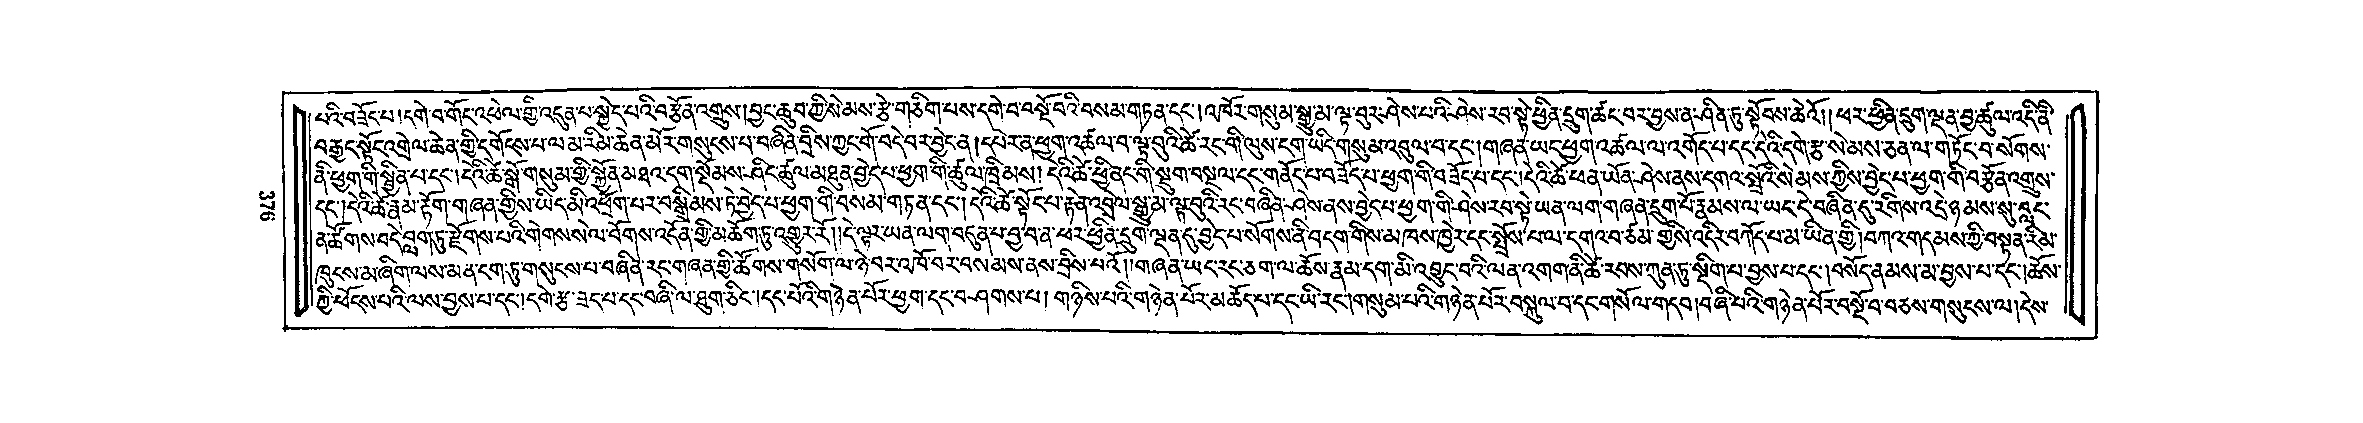པའི་བཟོད་པ། དགེ་བ་གོང་འཕེལ་གྱི་འདུན་པ་སྐྱེད་པའི་བརྩོན་འགྲུས། བྱང་ཆུབ་ཀྱི་སེམས་རྩེ་གཅིག་པས་དགེ་བ་བསྔོ་བའི་བསམ་གཏན་དང་། འཁོར་གསུམ་སྒྱུ་མ་ལྟ་བུར་ཤེས་པའི་ཤེས་རབ་སྟེ་ཕྱིན་དྲུག་ཚང་བར་བྱས་ན་ཤིན་ཏུ་སྟོབས་ཆེའོ། །ཕར་ཕྱིན་དྲུག་ལྡན་བྱ་ཚུལ་འདི་ནི་
བརྒྱད་སྟོང་འགྲེལ་ཆེན་གྱི་དགོངས་པ་ལམ་རིམ་ཆེན་མོར་གསུངས་པ་བཞིན་བྲིས་ཀྱང་གོ་བདེ་བར་བྱེད་ན། དཔེར་ན་ཕྱག་འཚལ་བ་ལྟ་བུའི་ཚེ་རང་གི་ལུས་ངག་ཡིད་གསུམ་འབུལ་བ་དང་། གཞན་ཡང་ཕྱག་འཚལ་ལ་འགོད་པ་དང་དེའི་དགེ་རྩ་སེམས་ཅན་ལ་གཏོང་བ་སོགས་
ནི་ཕྱག་གི་སྦྱིན་པ་དང་། དེའི་ཚེ་སྒོ་གསུམ་གྱི་སྐྱོན་མཐའ་དག་སྡོམས་ཤིང་ཚུལ་མཐུན་བྱེད་པ་ཕྱག་གི་ཚུལ་ཁྲིམས། དེའི་ཚེ་ཕྱི་ནང་གི་སྡུག་བསྔལ་དང་གནོད་པ་བཟོད་པ་ཕྱག་གི་བཟོད་པ་དང་། དེའི་ཚེ་ཕན་ཡོན་ཤེས་ནས་དགའ་སྤྲོའི་སེམས་ཀྱིས་བྱེད་པ་ཕྱག་གི་བརྩོན་འགྲུས་
དང་། དེའི་ཚེ་རྣམ་རྟོག་གཞན་གྱིས་ཡིད་མི་འཕྲོག་པར་བསྒྲིམས་ཏེ་བྱེད་པ་ཕྱག་གི་བསམ་གཏན་དང་། དེའི་ཚེ་སྟོང་པ་རྟེན་འབྲེལ་སྒྱུ་མ་ལྟ་བུའི་རང་བཞིན་ཤེས་ནས་བྱེད་པ་ཕྱག་གི་ཤེས་རབ་སྟེ་ཡན་ལག་གཞན་དྲུག་པོ་རྣམས་ལ་ཡང་དེ་བཞིན་དུ་རིགས་འདྲེ་ཉམས་སུ་བླང་
ན་ཚོགས་བདེ་བླག་ཏུ་རྫོགས་པའི་གེགས་སེལ་བོགས་འདོན་གྱི་མཆོག་ཏུ་འགྱུར་རོ། །དེ་ལྟར་ཡན་ལག་བདུན་པ་བྱ་བ་ན་ཕར་ཕྱིན་དྲུག་ལྡན་དུ་བྱེད་པ་སོགས་ནི་བདག་གིས་མཁས་ཁྱེར་དང་སྤྲོས་པ་ལ་དགའ་བ་ཙམ་གྱིས་འདིར་བཀོད་པ་མ་ཡིན་གྱི། བཀའ་གདམས་ཀྱི་བསྟན་རིམ་
ཁུངས་མ་ཞིག་ལས་མན་ངག་ཏུ་གསུངས་པ་བཞིན་རང་གཞན་གྱི་ཚོགས་གསོག་ལ་ཉེ་བར་འཁོ་བར་བསམས་ནས་བྲིས་པའོ། །གཞན་ཡང་རང་ཅག་ལ་ཆོས་རྣམ་དག་མི་འབྱུང་བའི་ལན་འགག་ནི་ཚེ་རབས་ཀུན་ཏུ་སྡིག་པ་བྱས་པ་དང་། བསོད་ནམས་མ་བྱས་པ་དང་། ཆོས་
ཀྱི་ཕོངས་པའི་ལས་བྱས་པ་དང་། དགེ་རྩ་ཟད་པ་དང་བཞི་ལ་ཐུག་ཅིང་། དང་པོའི་གཉེན་པོར་ཕྱག་དང་བཤགས་པ། གཉིས་པའི་གཉེན་པོར་མཆོད་པ་དང་ཡི་རང་། གསུམ་པའི་གཉེན་པོར་བསྐུལ་བ་དང་གསོལ་གདབ། བཞི་པའི་གཉེན་པོར་བསྔོ་བ་བཅས་གསུངས་ལ། དེས་